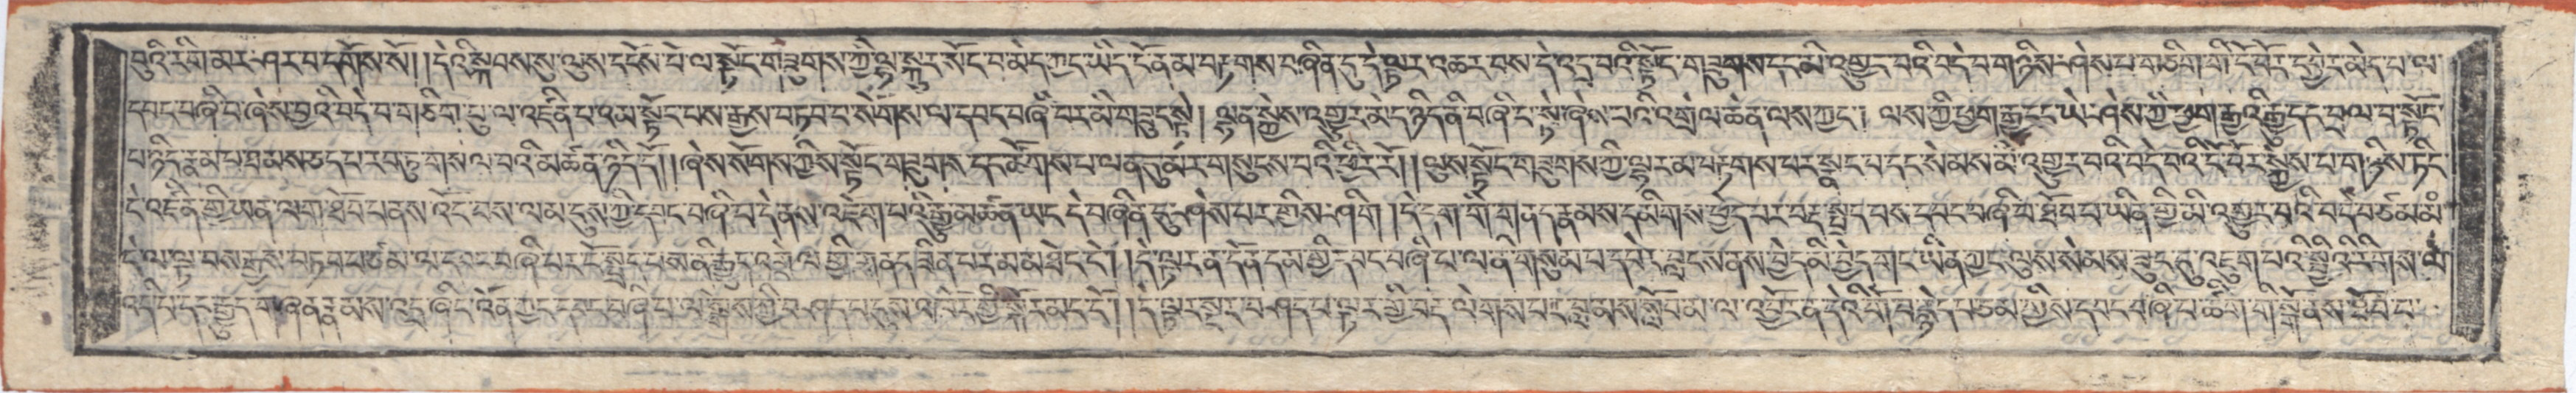བུའི་རིག་མར་ཤར་བ་དགོས་སོ། །དེའི་སྐབས་སུ་ལུས་དངོས་པོ་ལ་སྟོང་གཟུགས་ཀྱི་ལྷ་སྐུར་སོང་བ་མེད་ཀྱང་ཡིད་དོན་མ་བརྟགས་བཞིན་དུ་དེ་ལྟར་འཆར་བས་དེ་འདྲ་བའི་སྟོང་གཟུགས་དང་མི་འགྱུར་བའི་བདེ་བ་གཉིས་ཤེས་པ་གཅིག་གི་ངོ་བོར་དབྱེར་མེད་པ་ལ་
དབང་བཞི་པ་ཞེས་བྱའི་བདེ་བ་གཅིག་པུ་ལ་འཛིན་པ་འམ་སྟོང་པས་རྒྱས་བཏབ་པ་སོགས་ལ་དབང་བཞི་པར་མི་གཟུང་སྟེ། ལྷན་སྐྱེས་འགྱུར་མེད་ཉིད་ནི་བཞི་པ་སྟེ་ཞེས་པའི་འགྲེལ་ཆེན་ལས་ཀྱང་། ལས་ཀྱི་ཕྱག་རྒྱ་དང་ཡེ་ཤེས་ཀྱི་ཕྱག་རྒྱའི་རྒྱུ་དང་བྲལ་བ་སྟོང་
པ་ཉིད་རྣམ་པ་ཐམས་ཅད་པ་རབ་ཏུ་གསལ་བའི་མཚན་ཉིད་དོ། །ཞེས་སོགས་ཀྱིས་སྟོང་གཟུགས་དང་ཚོགས་པ་ལན་དུ་མར་གསུངས་པའི་ཕྱིར་རོ། །ལུས་སྟོང་གཟུགས་ཀྱི་ལྷར་མ་བརྟགས་པར་སྣང་བ་དང་སེམས་མི་འགྱུར་བའི་བདེ་བའི་ངོ་བོར་སྐྱེས་པ་གཉིས་ཏིང་
ངེ་འཛིན་གྱི་ཡན་ལག་ཐོབ་པ་ནས་འོང་བས་ལམ་དུས་ཀྱི་དབང་བཞི་པ་དེ་ནས་འཇིག་པའི་རྒྱུ་མཚན་ཡང་དེ་བཞིན་དུ་ཤེས་པར་གྱིས་ཤིག །དེ་དག་གི་གནད་རྣམས་དམིགས་ཕྱེད་པར་བརྡ་སྤྲད་པས་དབང་བཞི་པ་ཐོབ་པ་ཡིན་གྱི་མི་འགྱུར་བའི་བདེ་བ་ཙམ་མཾ་
དེ་ལ་ལྟ་བས་རྒྱས་བཏབ་པ་ཙམ་ལ་དབང་བཞི་པར་ངོ་སྤྲད་པས་ནི་རྒྱུད་འགྲེལ་གྱི་གནད་ཟིན་པར་མ་མཐོང་ངོ། །དེ་ལྟར་ན་དོན་དམ་གྱི་དབང་བཞི་པ་ལ་ནི་གསུམ་པ་དཔེར་བླངས་ནས་བྱེད་མི་བྱེད་གང་ཡིན་ཀྱང་ལུས་སེམས་ཟུང་དུ་འཇུག་པའི་སྤྱིའི་རིགས་ལ་
འདི་པ་དང་རྒྱུད་གཞན་རྣམས་འདྲ་ཞིང་འོན་ཀྱང་དབང་བཞི་པ་ལ་སྒོས་ཀྱི་བཤད་པ་དུས་འཁོར་གྱི་སྐོར་མང་ངོ། །དེ་ལྟར་སྔར་བཤད་པ་ལྟར་གྱི་བརྡ་ལེགས་པར་བླ་མས་སློབ་མ་ལ་འབྱོར་ན་དེའི་གོ་བ་རྙེད་པ་ཙམ་གྱིས་དབང་བཞི་པ་ཚིག་གི་སྒོ་ནས་ཐོབ་པ་